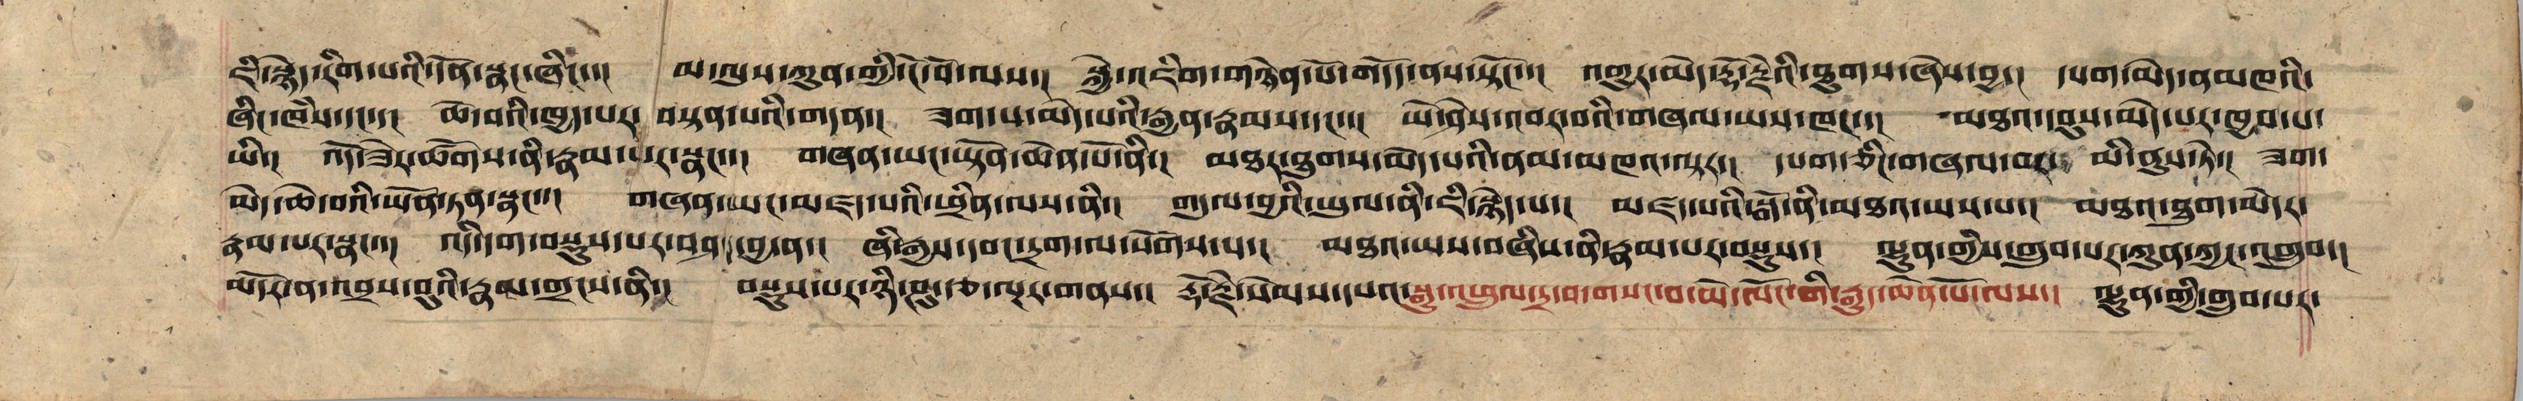ཇི་སྙེད་རིག་པའི་དོན་སྣང་ཞིང་་། མ་ལུས་ཀུན་གྱི་ངོ་བོ་ལས་། སྐྱེ་འཇིག་གཉེན་པོ་གདོད་ནས་སྟོང་་། འགྱུར་མེད་རྡོ་རྗེའི་ཐུགས་ཞེས་བྱ་། དཔག་མེད་ནམཁའི་
ཞིང་ཁཾས་དང་་། ཆེ་བའི་ཁྱད་པར་བསྟན་པའི་གདན་། ཟག་པ་མེད་པའི་རྒྱན་རྣམས་དང་་། ཡེ་ཤེས་འབར་བའི་གཞལ་ཡས་ཁང་་། མཐའ་དབུས་མེད་པར་ཁྱབ་པ་
ཡི་། འོད་ཟེར་ཚོགས་ནི་རྣམ་པར་སྣང་་། གཞན་ཡང་ཡྟོན་ཆེན་པོ་ནི་། མཐར་ཐུགས་མེད་པའི་ནམ་མཁའ་ལྟར་། དཔག་ཅིང་གཞལ་བར ་མི་ནུས་ཏེ་། ཟག་
མེད་ཆེ་བའི་ཡོན་ཏན་སྣང་་། གཞན་ཡང་མཛད་པའི་ཕྲིན་ལས་ནི་། གདུལ་བྱའི་ཡུལ་ནི་ཇི་སྙེད་པ་། མཛད་པའི་སྒོ་ནི་མཐའ་ཡས་པ་། མཐའ་ཐུག་མེདར་
རྣམ་པར་སྣང་་། འདི་དག་བསྡུས་པར་བཤད་བྱ་ན་། ཞི་རྒྱས་དབང་དྲག་ལ་སོགས་པ་། མཐའ་ཡས་བཞིས་ནི་རྣམ་པར་བསྡུས་། ལྷུན་གྱིས་གྲུབ་པར་ཀུན་ཀྱང་འགྲུབ་།
མདོར་ན་འབྲས་བུའི་རྣམ་གྲངས་ནི་། བསྡུས་པར་ཉི་ཤུ་རྩ་ལྔར་གནས་། རྡོ་རྗེ་སེམས་དཔའ་སྒྱུ་འཕྲུལ་དྲ་བ་གསང་བ་མེ་ལོང་གི་རྒྱུད་ཆེན་པོ་ལས་། ལྷུན་གྱི་གྲུབ་པར་